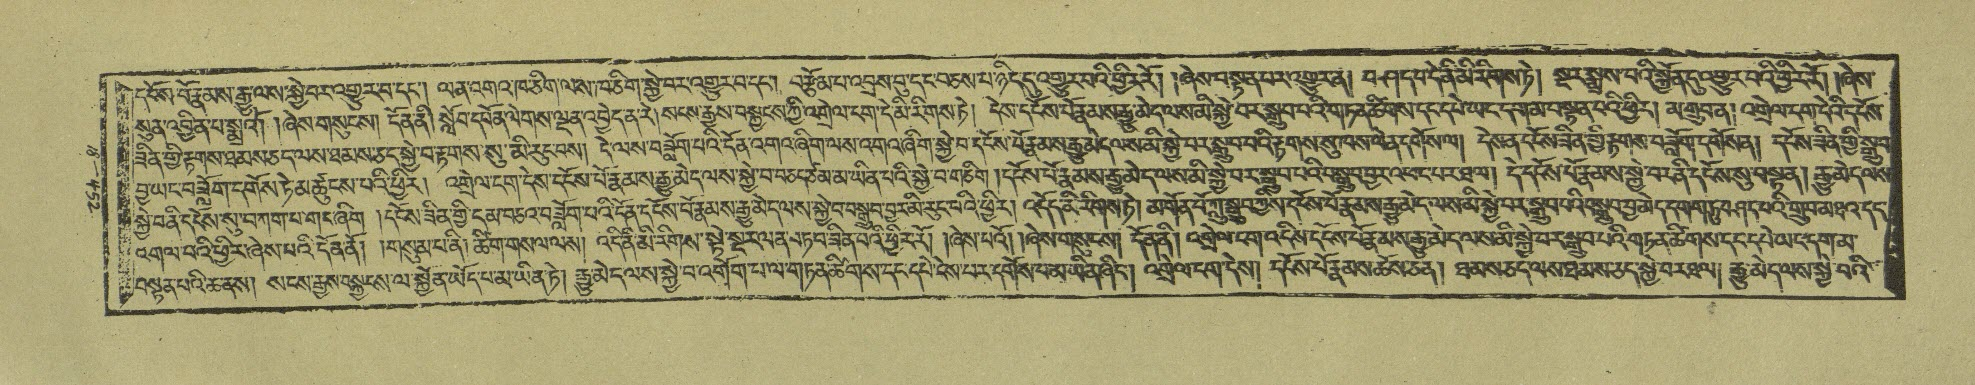དངོས་པོ་རྣམས་རྒྱུ་ལས་སྐྱེ་བར་འགྱུར་བ་དང་། ལན་འགའ་ཁ་ཅིག་ལས་ཁ་ཅིག་སྐྱེ་བར་འགྱུར་བ་དང་། བརྩོམ་པ་འབྲས་བུ་དང་བཅས་པ་ཉིད་དུ་འགྱུར་བའི་ཕྱིར་རོ། །ཞེས་བསྟན་པར་འགྱུར་ན། །བཤད་པ་དེ་ནི་མི་རིགས་ཏེ། སྔར་སྨྲས་པའི་སྐྱོན་དུ་འགྱུར་བའི་ཕྱིར་རོ། །ཞེས་
སུན་འབྱིན་པ་སྨྲའོ། །ཞེས་གསུངས། དོན་ནི། སློབ་དཔོན་ལེགས་ལྡན་འབྱེད་ན་རེ། སངས་རྒྱས་བསྐྱངས་ཀྱི་འགྲེལ་ངག་དེ་མི་རིགས་ཏེ། དེས་དངོས་པོ་རྣམས་རྒྱུ་མེད་ལས་མི་སྐྱེ་བར་སྒྲུབ་པའི་གཏན་ཚིགས་དང་དཔེ་ཡང་དག་མ་བསྟན་པའི་ཕྱིར། མ་གྲུབ་ན། འགྲེལ་དག་དེའི་དངོས་
ཟིན་གྱི་རྟགས་ཐམས་ཅད་ལས་ཐམས་ཅད་སྐྱེ་བ་རྟགས་སུ་མི་རུང་བས། དེ་ལས་བཟློག་པའི་དོན་འགའ་ཞིག་ལས་འགའ་ཞིག་སྐྱེ་བ་དངོས་པོ་རྣམས་རྒྱུ་མེད་ལས་མི་སྐྱེ་བར་སྒྲུབ་པའི་རྟགས་སུ་ཁས་ལེན་དགོས་ལ། དེས་ན་དངོས་ཟིན་གྱི་རྟགས་བཟློག་དགོས་ན། དངོས་ཟིན་གྱི་སྒྲུབ་
བྱ་ཡང་བཟློག་དགོས་ཏེ་མཚུངས་པའི་ཕྱིར། འགྲེལ་ངག་དེས་དངོས་པོ་རྣམས་རྒྱུ་མེད་ལས་སྐྱེ་བ་བཅད་ཙམ་མ་ཡིན་པའི་སྐྱེ་བ་གཅིག །དངོས་པོ་རྣམས་རྒྱུ་མེད་ལས་མི་སྐྱེ་བར་སྒྲུབ་པའི་བསྒྲུབ་བྱར་འཕང་པར་ཐལ། དེ་དངོས་པོ་རྣམས་སྐྱེ་བར་ནི་དངོས་སུ་བསྟན། རྒྱུ་མེད་ལས་
སྐྱེ་བ་ནི་དངོས་སུ་བཀག་པ་གང་ཞིག །དངོས་ཟིན་གྱི་དམ་བཅའ་བཟློག་པའི་དོན་དངོས་པོ་རྣམས་རྒྱུ་མེད་ལས་སྐྱེ་བ་བསྒྲུབ་བྱར་མི་རུང་བའི་ཕྱིར། འདོད་མི་རིགས་ཏེ། མགོན་པོ་ཀླུ་སྒྲུབ་ཀྱིས་དངོས་པོ་རྣམས་རྒྱུ་མེད་ལས་མི་སྐྱེ་བར་སྒྲུབ་པའི་བསྒྲུབ་བྱ་མེད་དགག་ཏུ་བཤད་པའི་གྲུབ་མཐའ་དང་
འགལ་པའི་ཕྱིར་ཞེས་པའི་དོན་ནོ། །གསུམ་པ་ནི། ཚིག་གསལ་ལས། འདི་ནི་མི་རིགས་སྟེ་སྔར་ལན་བཏབ་ཟིན་པའི་ཕྱིར་རོ། །ཞེས་པའོ། །ཞེས་གསུངས། དོན་ནི། འགྲེལ་ངག་འདིས་དངོས་པོ་རྣམས་རྒྱུ་མེད་ལས་མི་སྐྱེ་བར་སྒྲུབ་པའི་གཏན་ཚིགས་དང་དཔེ་ཡང་དག་མ་
བསྟན་པའི་ཆ་ནས། སངས་རྒྱས་བསྐྱངས་ལ་སྐྱོན་ཡོད་པ་མ་ཡིན་ཏེ། རྒྱུ་མེད་ལས་སྐྱེ་བ་འགོག་པ་ལ་གཏན་ཚིགས་དང་དཔེ་ངེས་པར་དགོས་པ་མ་ཡིན་ཞིང་། འགྲེལ་ངག་དེས། དངོས་པོ་རྣམས་ཆོས་ཅན། སྠམས་ཅད་ལས་ཐམས་ཅད་སྐྱེ་བར་ཐལ། རྒྱུ་མེད་ལས་སྐྱེ་བའི་